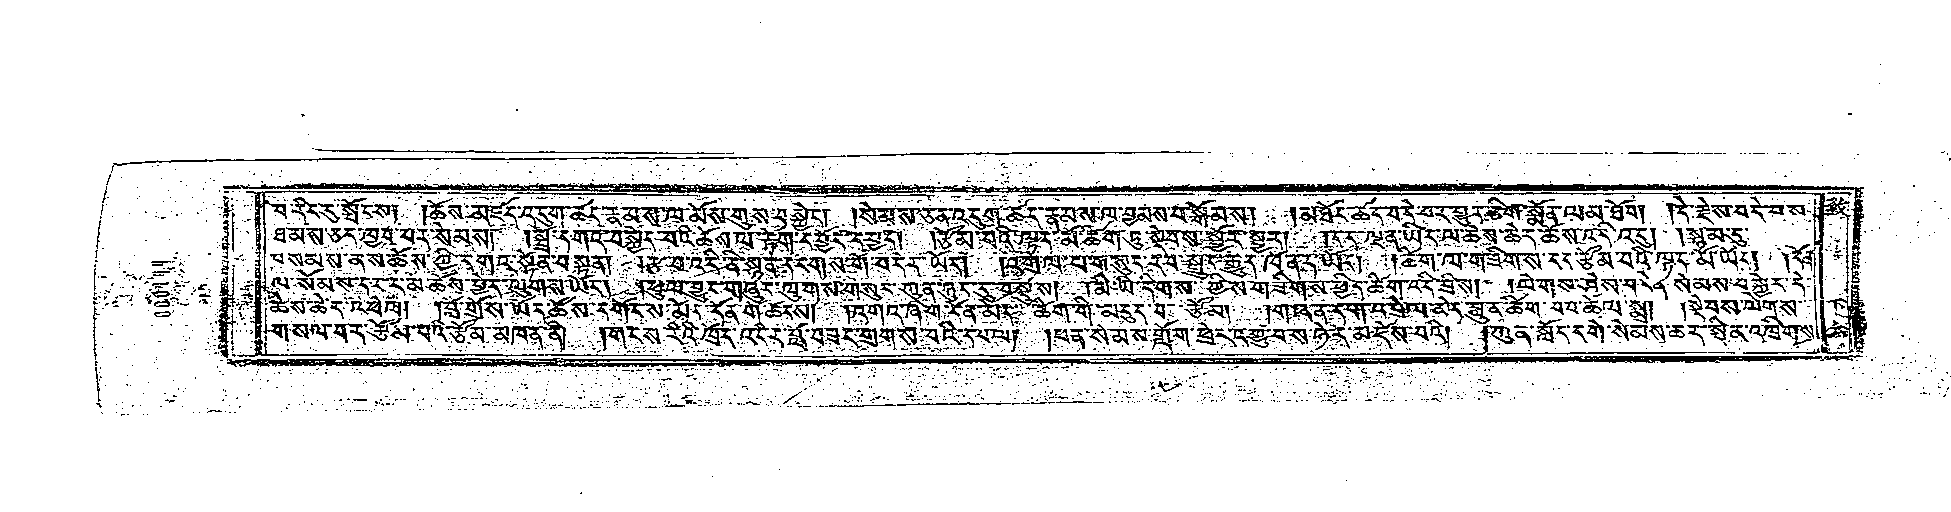བ་རིང་དུ་སྤོངས། །ཆོས་མཛད་འདུག་ཚད་རྣམས་ལ་མོས་གུས་བསྐྱེད། །སེམས་ཅན་འདུག་ཚད་རྣམས་ལ་བྱམས་བ་སྒོམས། །མཐོང་ཚད་བདེ་བར་གྱུར་ཅིག་སྨོན་ལམ་ཐོབ། །དེ་རྗེས་བདེ་བས་
ཐམས་ཅད་ཁྱབ་བར་སེམས། །སྤྲོ་དགའ་བསྐྱེད་བའི་ཆོས་ལ་རྟེག་དབྱོད་དཔྱད། །རྩམ་བའི་ལྟད་མ་ཚིག་ཏུ་སྡེབས་སྦྱོར་སྦྱར། །དད་ལྡན་ཡིད་ལ་ཆེས་ཆེར་ཆོས་འདི་འདུ། །སྙམ་དུ་
བསམས་ནས་ཆོས་ཀྱི་དགའ་སྟོན་བསྟན། །རྩ་བ་འདི་ནི་སྙན་དངགས་གོ་བདེར་ཡོད། །འགྲེལ་པ་གསུང་རབ་སྒྲུང་རྒྱུད་ཁོ་ནར་ཡོད། །ཚིག་ལ་གཟིགས་དང་རྩོམ་པའི་ལྟད་མོ་ཡོད། །དོན་
ལ་སོམས་དང་དམ་ཆོས་བྱེད་ལུགས་ཡོད། །ཕུལ་བྱུང་གཞུང་ལུགས་གསུང་ཀུན་ཉུང་དུ་བསྡུས། །མི་ཡི་རིགས་ཀྱིས་གཟིགས་ཕྱིར་ཚིག་འདི་བྲིས། །ལེགས་ཤེས་བདེན་སེམས་བསྐྱེད་དེ་
ཆེས་ཆེར་འཕེལ། །བློ་གྲོས་ཡོད་ཆོས་དགོངས་མོད་དོན་གོ་ཚངས། །འགའ་ཞིག་དོན་མེད་ཚིག་གི་མདུད་པ་རྩོམ། །གཞན་དག་འབྲེལ་མེད་བླུན་ཚིག་བབ་ཆོལ་སྨྲ། །སྡེབས་ལེགས་
གསལ་བར་རྩོམ་བའི་རྩོམ་མཁན་ནི། །གངས་རིའི་ཁྲོད་འདིར་བློ་བཟང་གྲགས་བའི་དཔལ། །ཕན་སེམས་གློག་ཕྲེང་འགྱུ་བས་ཉེར་མཛེས་པའི། །ཀུན་སློང་དགེ་སེམས་ཆར་སྤྲིན་འཁྲིགས་